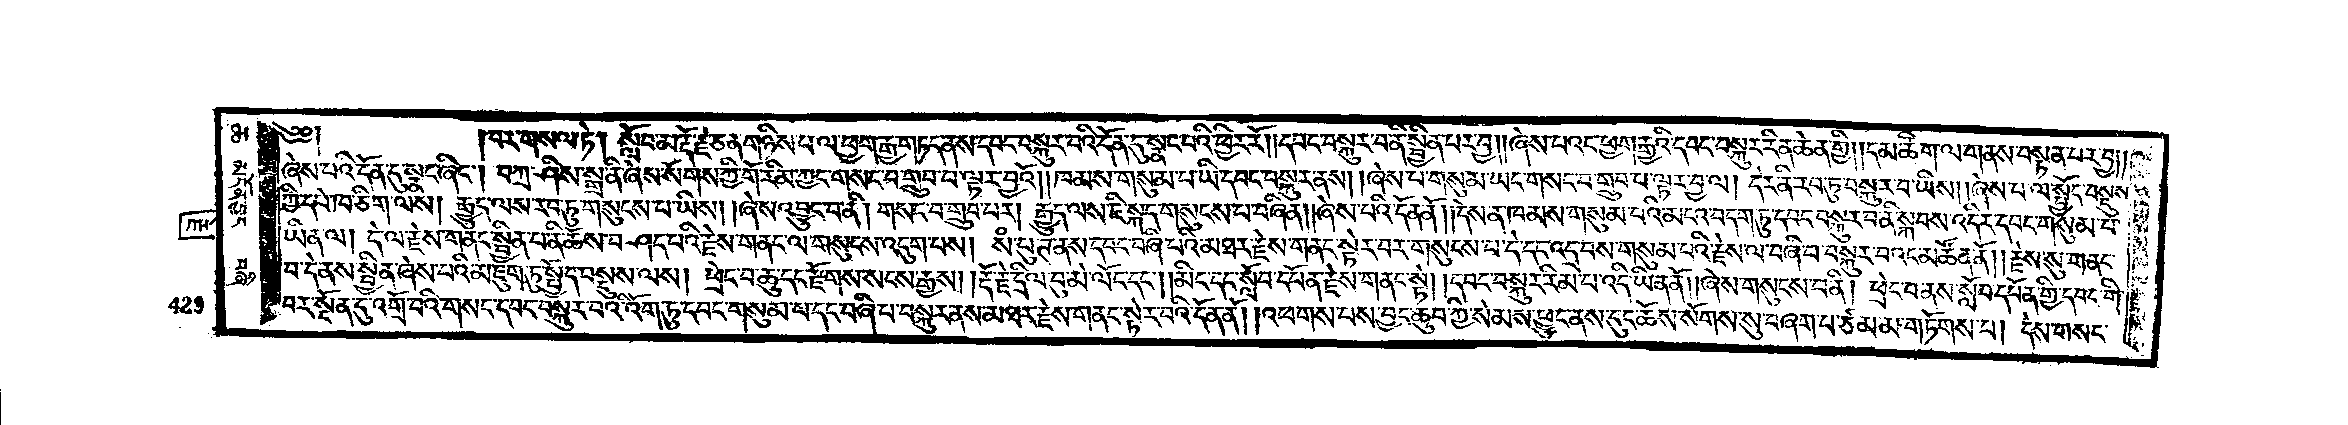༄༅། །བར་གསལ་ཏེ། སློབ་མ་རྡོ་རྗེ་ཅན་གཉིས་པ་ལ་ཕྱག་རྒྱ་གཏད་ནས་དབང་བསྐུར་བའི་དོན་དུ་སྣང་བའི་ཕྱིར་རོ། །དབང་བསྐུར་བ་ནི་སྦྱིན་པར་བྱ། །ཞེས་པའང་ཕྱག་རྒྱའི་དབང་བསྐུར་རིན་ཆེན་གྱི། །དམ་ཚིག་ལ་གནས་བསྟན་པར་བྱ།།
ཞེས་པའི་དོན་དུ་སྣང་ཞིང་། བཀྲ་ཤིས་སྒྲ་ནི་ཞེས་སོགས་ཀྱི་གོ་རིམ་ཀྱང་གསང་བ་གྲུབ་པ་ལྟར་བྱའོ། །ཁམས་གསུམ་པ་ཡི་དབང་བསྐུར་ནས། །ཞེས་པ་གསུམ་ཡང་གསང་བ་གྲུབ་པ་ལྟར་བྱ་ལ། དེར་ནི་རབ་ཏུ་བསྐུར་བ་ཡིས། །ཞེས་པ་ལ་སྤྱོད་བསྡུས་
ཀྱི་དཔེ་ཁ་ཅིག་ལས། རྒྱུད་ལས་རབ་ཏུ་གསུངས་པ་ཡིས། །ཞེས་འབྱུང་བ་ནི། གསང་བ་གྲུབ་པར། རྒྱུད་ལས་ཇི་སྐད་གསུངས་པ་བཞིན། །ཞེས་པའི་དོན་ནོ། །དེས་ན་ཁམས་གསུམ་པའི་མངའ་བདག་ཏུ་དབང་བསྐུར་བ་ནི་སྐབས་འདིར་དབང་གསུམ་པ་
ཡིན་ལ། དེ་ལ་རྗེས་གནང་སྦྱིན་པ་ནི་ཆོས་བཤད་པའི་རྗེས་གནང་ལ་གསུངས་འདུག་པས། སཾ་པུ་ཊ་ནས་དབང་བཞི་པའི་མཐར་རྗེས་གནང་སྟེར་བར་གསུངས་པ་དེ་དང་འདྲ་བས་གསུམ་པའི་རྗེས་ལ་བཞི་པ་བསྐུར་བའང་མཚོན་ནོ། །རྗེས་སུ་གནང་
བ་དེ་ནས་སྦྱིན་ཞེས་པའི་མཇུག་ཏུ་སྤྱོད་བསྡུས་ལས། ཕྲེང་བ་ཆུ་དང་རྫོགས་སངས་རྒྱས། །རྡོ་རྗེ་དྲིལ་བུ་མེ་ལོང་དང་། །མིང་དང་སློབ་དཔོན་རྗེས་གནང་སྟེ། །དབང་བསྐུར་རིམ་པ་འདི་ཡིན་ནོ། །ཞེས་གསུངས་པ་ནི། ཕྲེང་བ་ནས་སློབ་དཔོན་གྱི་དབང་གི་
བར་སྔོན་དུ་འགྲོ་བའི་གསང་དབང་བསྐུར་བའི་འོག་ཏུ་དབང་གསུམ་པ་དང་བཞི་པ་བསྐུར་ནས་མཐར་རྗེས་གནང་སྟེར་བའི་དོན་ནོ། །འཕགས་པས་བྱང་ཆུབ་ཀྱི་སེམས་ཕྱུང་ནས་དུང་ཆོས་སོགས་སུ་བཞག་པ་ཙམ་མ་གཏོགས་པ། དེས་གསང་